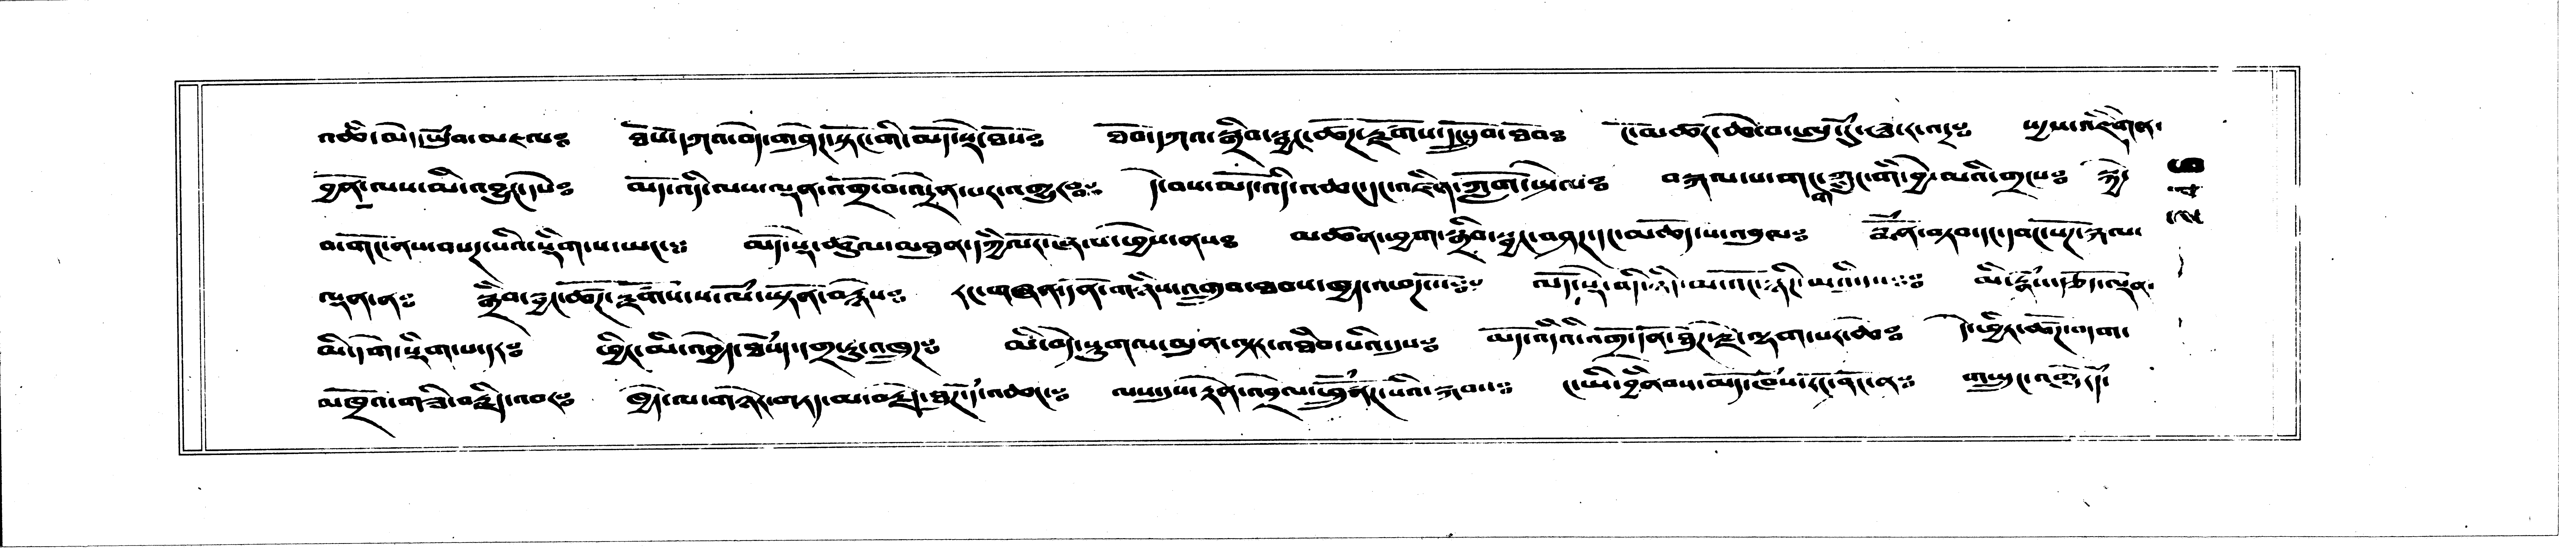འཆི་མེད་ཡབ་ཡུམ་མཇལཿ ཐོས་དཀའ་བདེར་གཤེགས་སྟོང་གི་མདོ་སྡེ་ཐོསཿ ཐོབ་དཀའ་སྒྲིབ་སྦྱང་ཚོགས་རྫོགས་དངོས་གྲུབ་ཐོབཿ ངོ་མཚར་ཆེ་བ་ཨུ་དུམ་ཝ་ར་འདྲཿ སངས་རྒྱས་འཇིག་རྟེན་
བྱོན་ལས་མི་འབྱུང་དཔེཿ མདོ་འདི་ལས་ལྡན་འགྲོ་བ་འདྲེན་པར་འགྱུརཿ དེ་བས་མདོ་འདི་འཆང་དང་འཛིན་ཀློག་སྤེལཿ བསྐལ་པ་གངྒཱ་ཀླུང་གི་བྱེ་མའི་གྲངསཿ སྐྱེ་
བ་གོང་ནས་བསགས་པའི་སྡིག་པ་ཡངཿ མདོ་སྡེ་ཚུལ་མཐུན་དཀྱིལ་འཁོར་ཞལ་ཕྱེས་ནསཿ མཚན་ཕྱག་སྒྲིབ་སྦྱང་བཤགས་དང་མཆོད་པ་འབུལཿ སྨོན་ལམ་བཏབ་དང་དབང་སོགས་སྐལ་
ལྡན་ནཿ སྒྲིབ་སྦྱང་ཚོགས་རྫོགས་ས་ལམ་ཡོན་ཏན་བརྙེསཿ རང་གཞན་དོན་གཉིས་འགྲུབ་ཐབས་ཁྱད་འཕགས་སོཿ མདོ་སྡེ་འདི་ཉིད་མ་འོངས་སྙིགས་མའི་དུསཿ མི་རྣམས་རྩོད་ལྡན་
མི་དགེ་སྡིག་པ་དརཿ ཕྱི་ནང་མི་འབྱེད་ཐམས་ཅད་དགྲ་རུ་འཁྲུགསཿ མི་བདེ་སྡུག་བསྔལ་མུན་ལྟར་འཐིབས་པའི་དུསཿ མདོ་འདིའི་འགྲོ་དོན་ཐུགས་རྗེ་ལྷག་པར་ཆེཿ དེ་ཕྱིར་ཚོགས་བདག་
མཁའ་འགྲོ་གཟི་བརྗིད་འབརཿ ཁྱེད་ལ་གཉེར་གཏད་མ་བརྗེད་ཐུགས་དམ་འཆངཿ ལས་དུས་རྟེན་འབྲེལ་ཕུན་སུམ་ཚོགས་པའི་སྐབསཿ ང་ཡི་བྱིན་རླབས་མདོ་ཁམས་རང་ཤོང་ནཿ གཡུང་དྲུང་འགྱུར་མེད་